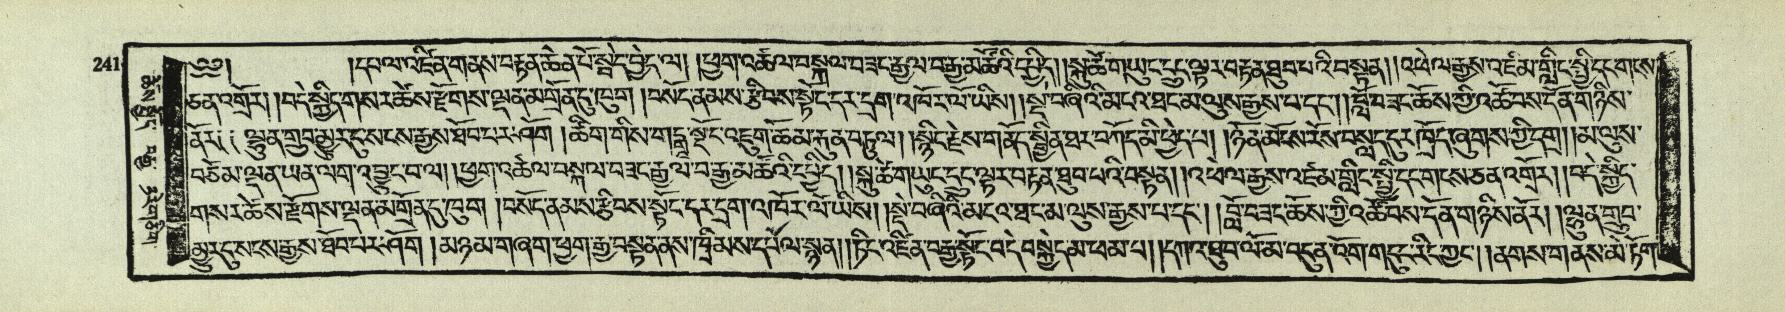༄༅། །དཔལ་འཛིན་གནས་བརྟན་ཆེན་པོ་སྦེད་བྱེད་ལ། །ཕྱག་འཚལ་བསྐལ་བཟང་རྒྱལ་བ་རྒྱ་མཚོའི་དཔྱིད། །སྐུ་ཚེ་གཡུང་དྲུང་ལྟར་བརྟན་ཐུབ་པའི་བསྟན། །འཕེལ་རྒྱས་འཇིམ་གླིང་སྤྱི་དང་གངས་
ཅན་འགྲོར། །བདེ་སྐྱིད་གསར་ཚེས་རྫོགས་ལྡན་མགྲོན་དུ་ཁུག །བསོད་ནམས་རྩིབས་སྟོང་དར་དྲག་འཁོར་ལོ་ཡིས། །སྡ་བཞིའི་མངའ་ཐང་མ་ལུས་རྒྱས་པ་དང་། །བློ་བཟང་ཆོས་ཀྱི་འཚོ་བས་དོན་གཉིས་
ནོར༑ ༑ལྷུན་གྲུབ་མྱུར་དུ་སངས་རྒྱས་ཐོབ་པར་ཤོག། །ཚིག་གིས་གངྒཱ་སྡོང་འཇུག་ཆོམ་རྐུན་བཏུལ། །སྙིང་རྗེས་གནོད་སྦྱིན་ཐར་བཀོད་མི་ཕྱེད་པ། །ཉོན་མོངས་རོས་བསླད་དུར་ཁྲོད་ཞུགས་ཀྱི་དགྲ། །མ་ལུས་
བཅོམ་ལྡན་ཡན་ལག་འབྱུང་བ་ལ། །ཕྱག་འཚལ་བསྐལ་བཟང་རྒྱལ་བ་རྒྱ་མཚོའི་དཔྱིད། །སྐུ་ཚེ་གཡུང་དྲུང་ལྟར་བརྟན་ཐུབ་པའི་བསྟན། །འཕེལ་རྒྱས་འཛམ་གླིང་སྤྱི་དང་གངས་ཅན་འགྲོར། །བདེ་སྐྱིད་
གསར་ཚེས་རྫོགས་ལྡན་མགྲོན་དུ་ཁུག །བསོད་ནམས་རྩིབས་སྟོང་དར་དྲག་འཁོར་ལོ་ཡིས། །སྡེ་བཞིའི་མངའ་ཐང་མ་ལུས་རྒྱས་པ་དང་། །བློ་བཟང་ཆོས་ཀྱི་འཚོ་བས་དོན་གཉིས་ནོར། །ལྷུན་གྲུབ་
མྱུར་དུ་སངས་རྒྱས་ཐོབ་པར་ཤོག། །མཉམ་གཞག་ཕྱག་རྒྱ་བསྟན་ནས་ཁྲིམས་དཔོལ་སྙན། །ཏིང་འཛིན་བརྒྱ་སྟོང་བདེ་བསྐྱེད་མ་ཕམ་པ། །དཀའ་ཐུབ་ལོ་མ་བདུན་འོག་གདུང་རིང་ཀྱང་། །ནགས་གནས་མེ་ཏོག་